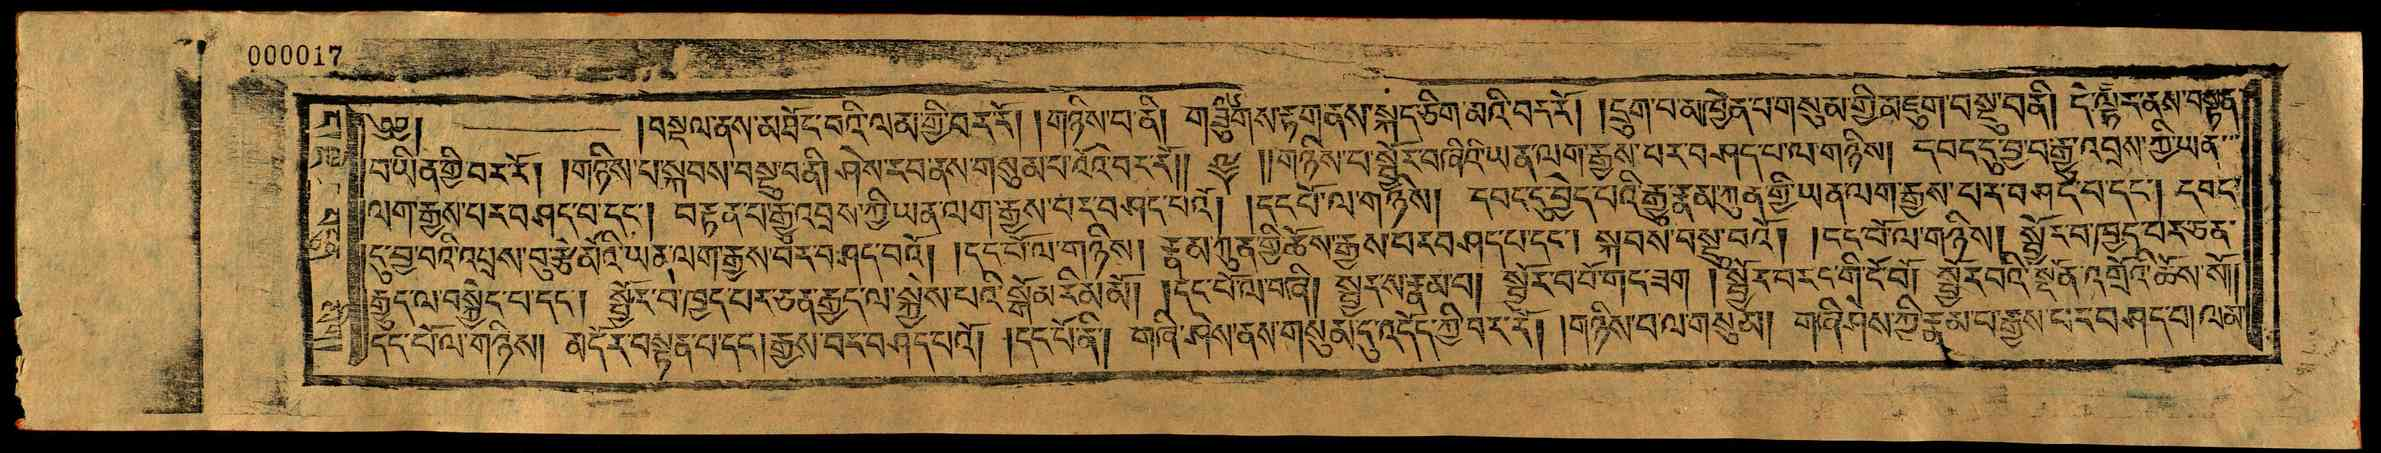༄༅། །བསྔལ་ནས་མཐོང་བའི་ལམ་གྱི་བར་རོ། །གཉིས་པ་ནི། གཟུགས་རྟག་ནས་སྐད་ཅིག་མའི་བར་རོ། །དྲུག་པ་མཁྱེན་པ་གསུམ་གྱི་མཇུག་བསྡུ་བ་ནི། དེ་ལྟར་ནས་བསྟན་
པ་ཡིན་གྱི་བར་རོ། །གཉིས་པ་སྐབས་བསྡུ་བ་ནི། ཤེས་རབ་ནས་གསུམ་པ་འོའི་བར་རོ།། ༈ །།གཉིས་པ་སྦྱོར་བཞིའི་ཡན་ལག་རྒྱས་པར་བཤད་པ་ལ་གཉིས། དབང་དུ་བྱ་བ་རྒྱུ་འབྲས་ཀྱི་ཡན་
ལག་རྒྱས་པར་བཤད་པ་དང་། བརྟན་པ་རྒྱ་འབྲས་ཀྱི་ཡན་ལག་རྒྱས་པར་བཤད་པའོ། །དང་པོ་ལ་གཉིས། དབང་དུ་བྱེད་པའི་རྒྱ་རྣམ་ཀུན་གྱི་ཡན་ལག་རྒྱུས་པར་བཤད་པ་དང་། དབང་
དུ་བྱ་བའི་འབྲས་བུ་རྩེ་མོའི་ཡན་ལག་རྒྱས་བར་བཤད་པའོ། །དང་པོ་ལ་གཉིས། རྣམ་ཀུན་གྱི་ཆོས་རྒྱས་པར་བཤད་པ་དང་། སྐབས་བསྡུ་བའོ། །དང་པོ་ལ་གཉིས། སྦྱོར་བ་ཁྱད་པར་ཅན་
རྒྱུད་ལ་བསྐྱེད་པ་དང་། སྦྱོར་བ་ཁྱད་པར་ཅན་རྒྱུད་ལ་སྐྱེས་པའི་སྒོམ་རིམ་མོ། །དང་པོ་ལ་བཞི། སྦྱར་ས་རྣམ་པ། སྦྱོར་བ་པོ་གང་ཟག །སྦྱོར་བ་རང་གི་ངོ་བོ། སྦྱོར་བའི་སྔོན་འགྲོའི་ཆོས་སོ།།
དང་པོ་ལ་གཉིས། མདོར་བསྟན་པ་དང་། རྒྱས་པར་བཤད་པའོ། །དང་པོ་ནི། གཞི་ཤེས་ནས་གསུམ་དུ་འདོད་ཀྱི་བར་རོ། །གཉིས་པ་ལ་གསུམ། གཞི་ཤེས་ཀྱི་རྣམ་པ་རྒྱས་པར་བཤད་པ། ལམ་